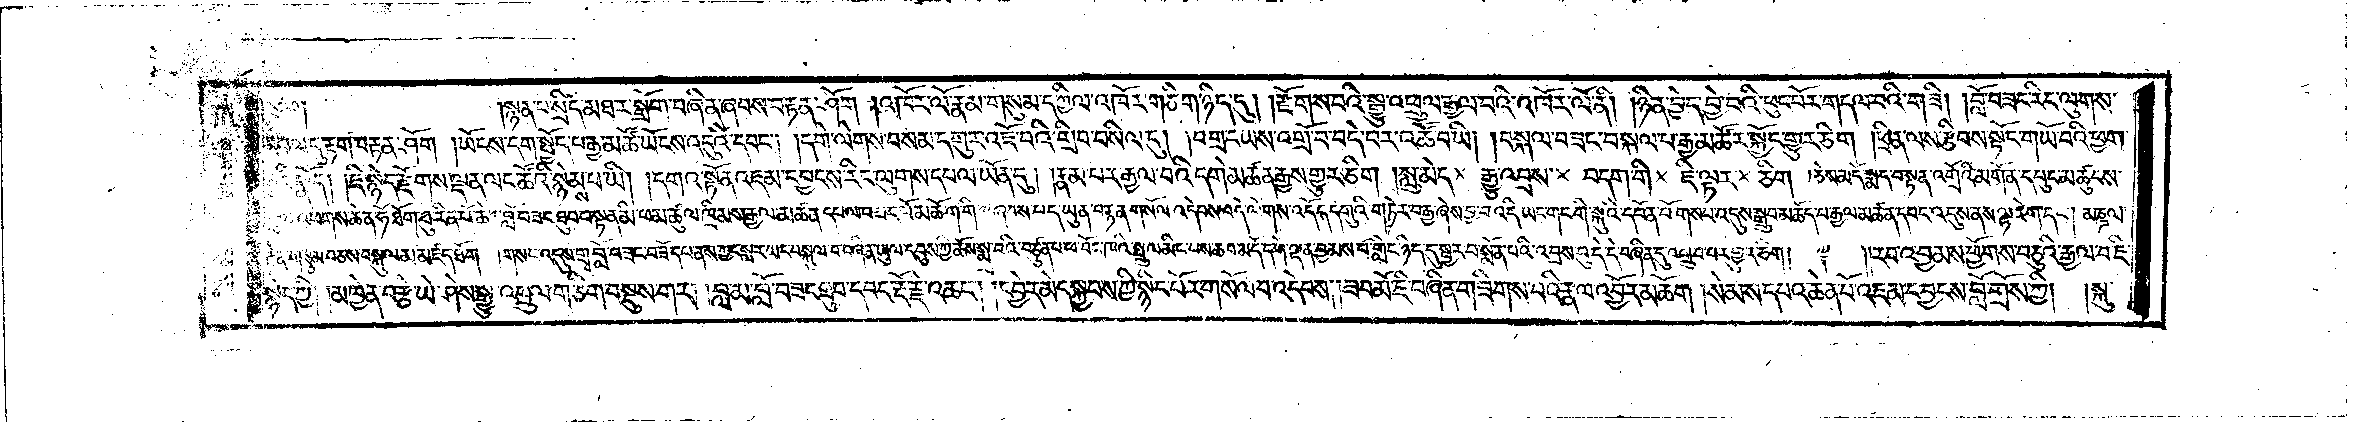༄༅། །སྙན་པ་སྲིད་མཐར་སྒྲོག་བཞིན་ཞབས་བརྟན་ཤོག །འཁོར་ལོ་རྣམ་གསུམ་དཀྱིལ་འཁོར་གཅིག་ཉིད་དུ། །རྫོགས་པའི་སྒྱུ་འཕྲུལ་རྒྱལ་བའི་འཁོར་ལོ་ནི། །ཉིན་བྱེད་བྱེ་བའི་ཕུང་པོར་གདལ་བའི་གཟི། །བློ་བཟང་རིང་ལུགས་
དཔལ་དུ་རྟག་བརྟན་ཤོག །ཡོངས་སྡག་སྤྱོད་པ་རྒྱ་མཚོ་ཡོངས་འདུའི་དབང་། །དགེ་ལེགས་བསམ་དགུར་འཇོ་བའི་གྲིབ་བསིལ་དུ། །བགྲང་ཡས་འགྲོ་བ་བདེ་བར་འཚོ་བ་ཡི། །བསྐལ་བཟང་བསྐལ་པ་རྒྱ་མཚོར་སྐྱོང་གྱུར་ཅིག །ཕྲིན་ལས་རྩིབས་སྟོང་གཡོ་བའི་ཕྱག་
རྒྱའི་སྣོད། །ཇི་སྙེད་རྫོགས་ལྡན་ལང་ཚོའི་སྙེམ་པ་ཡི། །དགའ་སྟོན་འཇམ་དབྱངས་རིང་ལུགས་དཔལ་ཡོན་དུ། །རྣམ་པར་རྒྱལ་བའི་དགེ་མཚན་རྒྱས་གྱུར་ཅིག །སླུ་མེད་྾་རྒྱུ་འབྲས་྾་བདག་གི་྾་ཇི་ལྟར་྾་ཅིང་། །ཅེས་མདོ་སྨད་བསྟན་འགྲོའི་མགོན་དཔུང་མཚུངས་
བྲལ་འཕགས་ཆེན་ཧོ་ཐོག་ཐ་རིན་པོ་ཆེ་བློ་བཟང་ཐུང་བསྟན་མི་ཕམ་ཚུལ་ཁྲིམས་རྒྱལ་མཚན་དཔལ་བཟང་པོ་མཆོག་གི ༧ཞབས་པད་ཡུན་བརྟན་གསོལ་འདེབས་བདེ་ལེགས་འདོད་དགུའི་གཏེར་བརྒྱ་ཞེས་བྱ་བ་འདི་ཡང་གང་གི་སྐུའི་དཔོན་པོ་གསང་འདུས་སྒྲུབ་མཆོད་པ་རྒྱལ་མཚན་དབང་འདུས་ནས་ལྷ་རེག་དང་། མཎྜལ་
རྟེན་གསུམ་བཅས་བསྐུལ་མ་མཛད་ཐོག །གསང་བསྡུས་གྲྭ་བློ་བཟང་བཟོད་པ་ནས་ཀྱང་སླར་ཡང་བསྐུལ་བ་བཞིན་ཡུལ་དབུས་ཀྱི་ཆོས་སྨྲ་བའི་བཙུན་པ་ཕ་བོང་ཁའི་སྤྲུལ་མིང་པས་ཆབ་མདོ་དགེ་ལྡན་བྱམས་པ་གླིང་ཉིད་དུ་སྦྱར་བ་སྨོན་པའི་འབྲས་བུ་དེ་དེ་བཞིན་དུ་འགྲུབ་པར་གྱུར་ཅིག ། ༈ །།རབ་འབྱམས་ཕྱོགས་བཅུའི་རྒྱེལ་བའི་
སྙེད་ཀྱི། །མཁྱེན་བརྩེ་ཡེ་ཤེས་སྒྱུ་འཕྲུལ་གཅིག་བསྡུས་གར། །བླ་མ་བློ་བཟང་ཐུབ་དབང་རྡོ་རྗེ་འཆང་། །དབྱེར་མེད་སྐྱབས་ཀྱི་སྙིང་པོར་གསོལ་བ་འདེབས། །ཟབ་མོ་དེ་བཞིན་གཟིགས་བའི་རྣལ་འབྱོར་མཆོག །སེམས་དཔའ་ཆེན་པོ་འཇམ་དབྱངས་བློ་གྲོས་ཀྱི། །སྐུ་